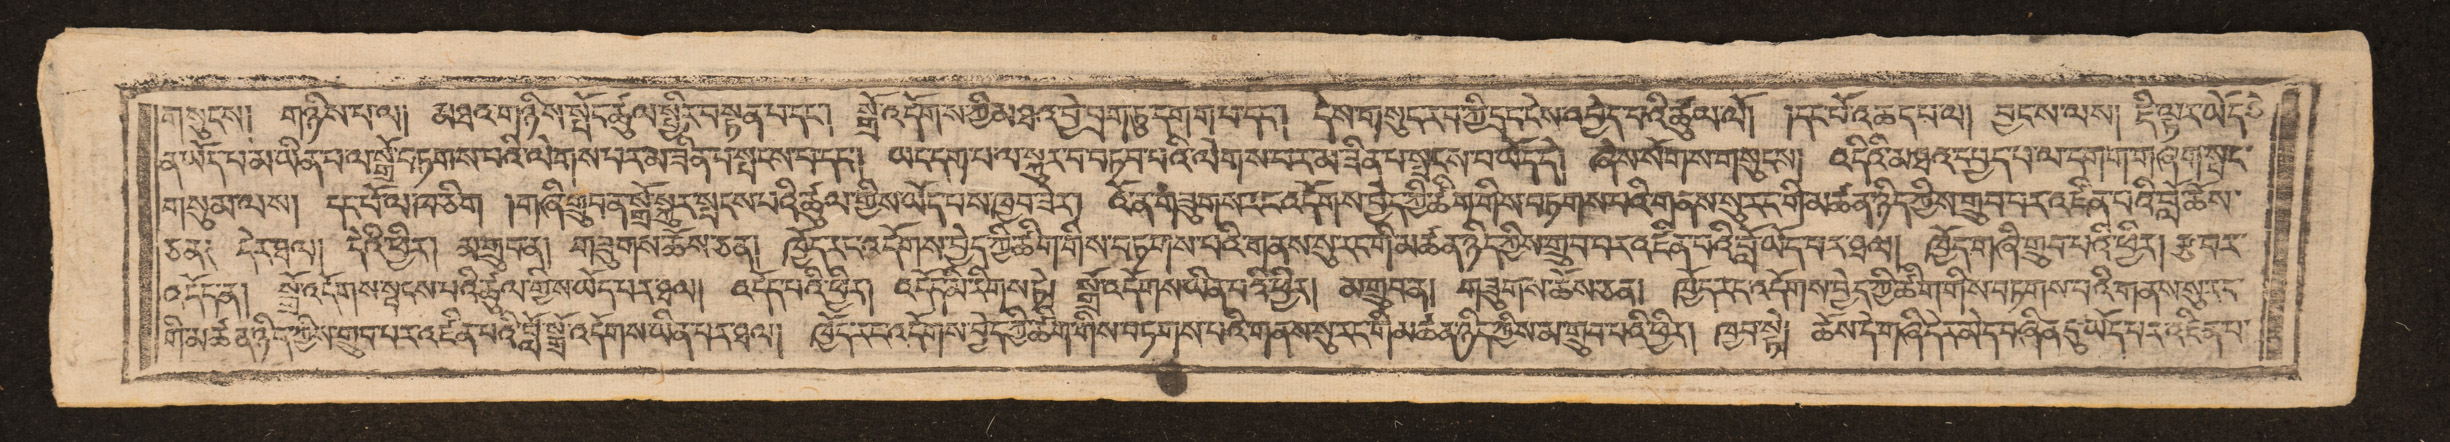གསུངས། གཉིས་པ་ལ། མཐའ་གཉིས་སྤོང་ཚུལ་སྤྱིར་བསྟན་པ་དང་། སྒྲོ་འདོགས་ཀྱི་མཐའ་བྱེ་བྲག་ཏུ་དགག་པ་དང་། དེས་གསུང་རབ་ཀྱི་དྲང་ངེས་འབྱེད་པའི་ཚུལ་ལོ། །དང་པོ་འཆད་པ་ལ། བྱང་ས་ལས། ཇི་ལྟར་ཡོད་ཅེ་
ན་ཡོད་པ་མ་ཡིན་པ་ལ་སྒྲོ་བཏགས་པའི་ལེགས་པར་མ་ཟིན་པ་སྤངས་པ་དང་། ཡང་དག་པ་ལ་སྐུར་བ་བཏབ་པའི་ལེགས་པར་མ་ཟིན་པ་སྤངས་པ་ཡོད་དེ། ཞེས་སོགས་གསུངས། འདིའི་མཐའ་དཔྱད་པ་ལ་དགག་གཞག་སྤང་
གསུམ་ལས། དང་པོ་ལ་ཁ་ཅིག །གཞི་གྲུབ་ན་སྒྲོ་སྐུར་སྤངས་པའི་ཚུལ་གྱིས་ཡོད་པས་ཁྱབ་ཟེར། འོ་ན་གཟུགས་རང་འདོགས་བྱེད་ཀྱི་ཚིག་གིས་བཏགས་པའི་གནས་སུ་རང་གི་མཚན་ཉིད་ཀྱིས་གྲུབ་པར་འཛིན་པའི་བློ་ཆོས་
ཅན༑ དེར་ཐལ། དེའི་ཕྱིར། མ་གྲུབ་ན། གཟུགས་ཆོས་ཅན། ཁྱོད་རང་འདོགས་བྱེད་ཀྱི་ཚིག་གིས་བཏགས་པའི་གནས་སུ་རང་གི་མཚན་ཉིད་ཀྱིས་གྲུབ་པར་འཛིན་པའི་བློ་ཡོད་པར་ཐལ། ཁྱོད་གཞི་གྲུབ་བའི་ཕྱིར། རྩ་བར་
འདོད་ན། སྒྲོ་འདོགས་སྤངས་པའི་ཚུལ་གྱིས་ཡོད་པར་ཐལ། འདོད་པའི་ཕྱིར། འདོད་མི་རིགས་ཏེ། སྒྲོ་འདོགས་ཡིན་པའི་ཕྱིར། མ་གྲུབ་ན། གཟུགས་ཆོས་ཅན། ཁྱོད་རང་འདོགས་བྱེད་ཀྱི་ཚིག་གིས་བཏགས་པའི་གནས་སུ་རང་
གི་མཚན་ཉིད་ཀྱིས་གྲུབ་པར་འཛིན་པའི་བློ་སྒྲོ་འདོགས་ཡིན་པར་ཏྠལ། ཁྱོད་རང་འདོགས་བྱེད་ཀྱི་ཚིག་གིས་བཏགས་པའི་གནས་སུ་རང་གི་མཚན་ཉིད་ཀྱིས་མ་གྲུབ་པའི་ཕྱིར། ཁྱབ་སྟེ། ཆོས་དེ་གཞི་དེར་མེད་བཞིན་དུ་ཡོད་པར་འཛིན་པ་